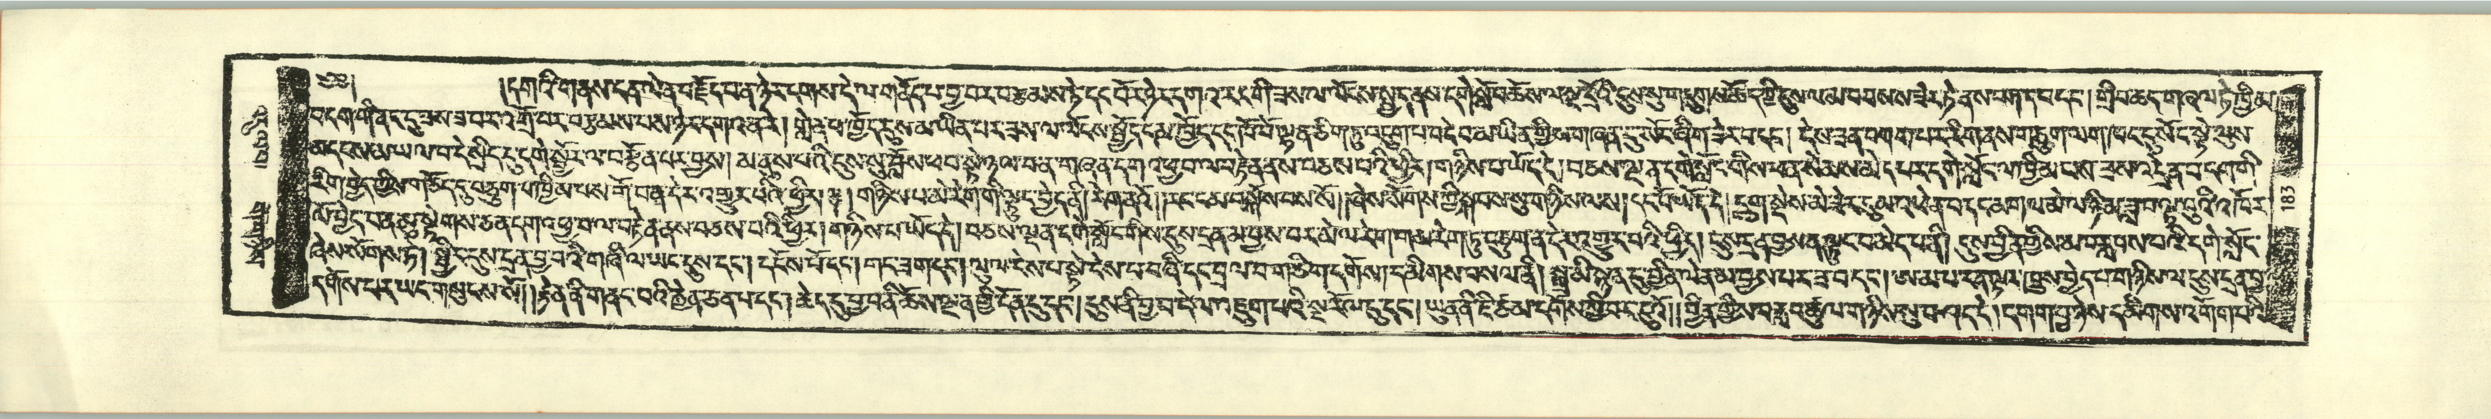༄༅། །དགའི་གནས་ངན་ལེན་བརྗོད་པ་ན་ཉེར་དགས་དེ་ལ་གནོད་པ་བྱ་བར་བརྩམས་ཏེ་དང་པོར་ཉེར་དགའ་རང་གི་ཟས་ལ་ལོངས་སྤྱད་ནས་དགེ་སློང་ཆོས་ལ་སྔ་དྲོའི་དུས་སུ་གདུགས་ཆོད་ཀྱི་དུས་ལ་མ་བབས་ས་ཟེར་ཏེ་ནས་བཤད་པ་དང་། གྲིབ་ཆད་གཞལ་ཏེ་ཁྱིམ་
བདག་གི་ནང་དུ་ཟས་ཟ་བར་འགྲོ་བར་བརྩམས་པས་ཉེར་དགའ་ན་རེ། གླེན་པ་ཁྱོད་རུས་མ་ཡིན་པར་ཟས་ལ་ལོངས་སྤྱོད་དམ་ཁྱོད་དང་ཁོ་བོ་ལྷན་ཅིག་ཏུ་འདུག་པ་བདེ་བ་མ་ཡིན་གྱིས་གཞན་དུ་སོང་ཞིག་ཟེར་བ་དང་། དེས་ཟན་བགག་པར་རིག་ནས་གཅུག་ལག་ཁང་དུ་སོང་སྟེ་ལུས་
མདངས་མ་ཡལ་བ་དེ་སྲིད་དུ་དགེ་སྦྱོར་ལ་བརྩོན་པར་བྱས། མ་ནུས་པའི་དུས་སུ་བློས་ཕབ་སྟེ་ཉལ་བ་ན་གཞན་དགའ་ཕྱབ་ལ་བརྟེན་ནས་བཅས་པའི་ཕྱིར། གཉིས་པ་ཡོད་དེ། བཅས་ལྡན་དགེ་སློང་གིས་ཕན་སེམས་མེད་པར་དགེ་སློང་ལ་ཁྱིམ་པས་ཟས་འདྲེན་བདག་གི་
རིག་བྱེད་ཀྱིས་གཙོད་དུ་བཅུག་པ་ཁྱིམ་པས་གོ་པ་ན་དེར་འགྱུར་བའི་ཕྱིར། ༈ །གཉིས་པ་མེ་རེག་གི་ལྟུང་བྱེད་ནི། རེག་ནའོ། །རང་ངམ་བསྐོས་པས་སོ། །ཞེས་སོགས་ཀྱི་སྐབས་སུ་གཉིས་ལས། དང་པོ་ཡོད་དེ། དྲུག་སྡེས་མེ་ཟེར་དུམ་འཕེན་བ་དང་མགལ་མེ་ལ་ཉི་མ་ཟླ་བ་ལྟ་བུའི་འཁོར་
ལོ་བྱེད་པ་ན་མུ་སྟེགས་ཅན་དག་འཕྱ་བ་ལ་བརྟེན་ནས་བཅས་པའི་ཕྱིར། གཉིས་པ་ཡོད་དེ། བཅས་ལྡན་དགེ་སློང་གིས་དུས་དྲན་མ་བྱས་པར་མེ་ལ་རེག་གམ་རེག་ཏུ་བཅུག་ན་དེར་འགྱུར་པའི་ཕྱིར། དུས་དྲན་བྱས་ན་ལྟུང་བ་མེད་པ་ནི། དུས་བྱིན་གྱིས་མ་བརླབས་པའི་དགེ་སློང་
ཞེས་སོགས་ཏེ། སྤྱིར་དུས་དྲན་བྱ་བའི་གཞི་ལ་ཡང་དུས་དང་། དངོས་པོ་དང་། གང་ཟག་དང་། ལུས་ངེས་པ་སྟེ་ངེས་པ་བཞི་དང་བྲལ་བ་གཅིག་དགོས། དམིགས་བསལ་ནི། སྒྲ་མི་སྙན་དུ་བྱིན་ལེན་མ་བྱས་པར་ཟ་བ་དང་། ཨ་མ་པ་རན་ལྟར་ཁྲུས་བྱེད་པ་གཉིས་ལ་དུས་དྲན་བྱ་
དགོས་པར་ཡང་གསུངས་སོ། །རྟེན་ནི་གནང་བའི་རྐྱེན་ཅན་པ་དང་། ཆེད་དུ་བྱ་བ་ནི་ཆོས་ལྡན་གྱི་དོན་དུ་དང་། དུས་ནི་བྱ་བ་དེ་ལ་འཇུག་པའི་སྔ་རོལ་དུ་དང་། ཡུན་ནི་ཇི་ཙམ་དགོས་ཀྱི་བར་དུའོ། །བྱིན་གྱིས་བརླབ་ཚུལ་གཉིས་སུ་བཤད་དེ། དགག་བྱ་ཉེས་དམིགས་འགོག་པའི་